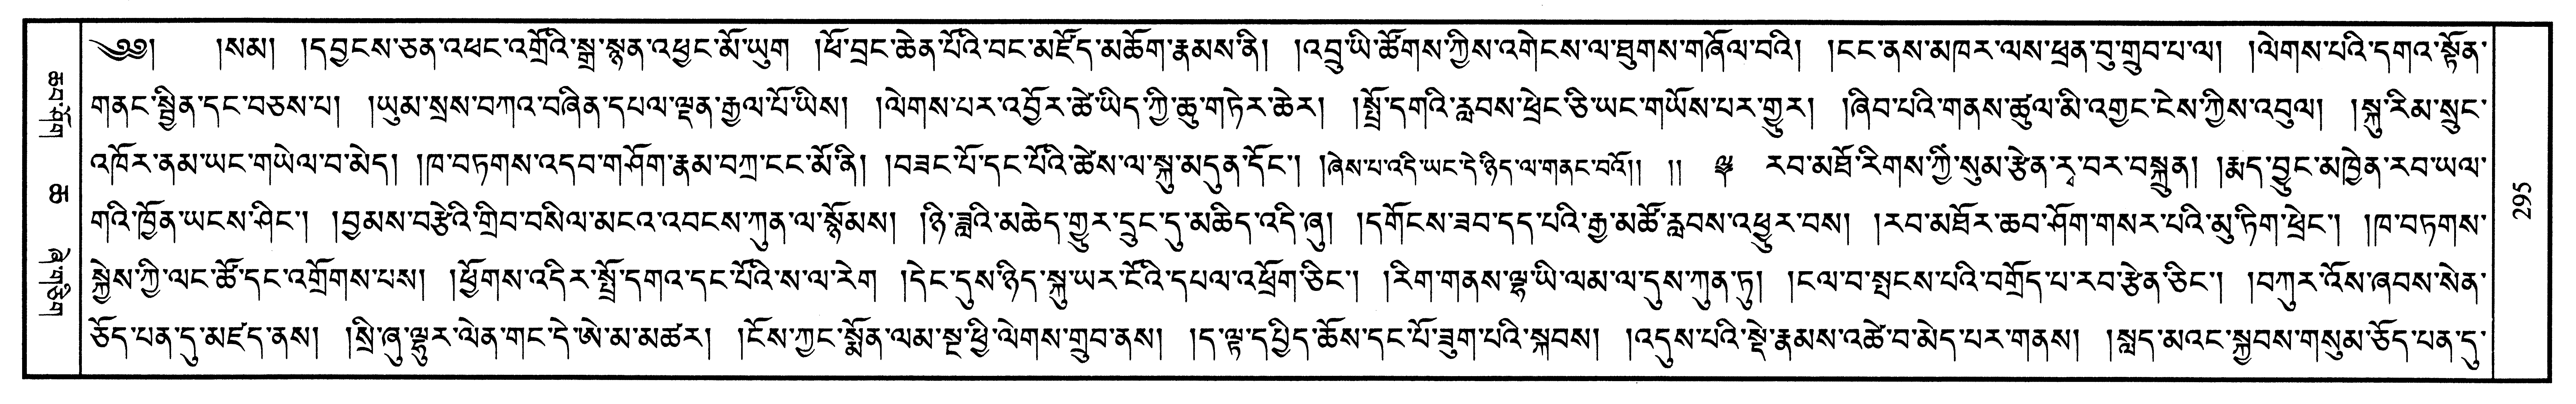༄༅། །སམ། །དབྱངས་ཅན་འཕང་འགྲོའི་སྒྲ་སྙན་འཕྱང་མོ་ཡུག །ཕོ་བྲང་ཆེན་པོའི་བང་མཛོད་མཆོག་རྣམས་ནི། །འབྲུ་ཡི་ཚོགས་ཀྱིས་འགེངས་ལ་ཐུགས་གཞོལ་བའི། །ངང་ནས་མཁར་ལས་ཕྲན་བུ་གྲུབ་པ་ལ། །ལེགས་པའི་དགའ་སྟོན་
གནང་སྦྱིན་དང་བཅས་པ། །ཡུམ་སྲས་བཀའ་བཞིན་དཔལ་ལྡན་རྒྱལ་པོ་ཡིས། །ལེགས་པར་འབྱོར་ཚེ་ཡིད་ཀྱི་ཆུ་གཏེར་ཆེར། །སྤྲོ་དགའི་རླབས་ཕྲེང་ཅི་ཡང་གཡོས་པར་གྱུར། །ཞིབ་པའི་གནས་ཚུལ་མི་འགྱང་ངེས་ཀྱིས་འབུལ། །སྐུ་རིམ་སྲུང་
འཁོར་ནམ་ཡང་གཡེལ་བ་མེད། །ཁ་བཏགས་འདབ་གཤོག་རྣམ་བཀྲ་ངང་མོ་ནི། །བཟང་པོ་དང་པོའི་ཚེས་ལ་སྐུ་མདུན་དོང་། །ཞེས་པ་འདི་ཡང་དེ་ཉིད་ལ་གནང་བའོ།། །། ༈ རབ་མཐོ་རིགས་ཀྱི་སུམ་རྩེན་རྭ་བར་བསྐྲུན། །རྨད་བྱུང་མཁྱེན་རབ་ཡལ་
གའི་ཁྱོན་ཡངས་ཤིང་། །བྱམས་བརྩེའི་གྲིབ་བསིལ་མངའ་འབངས་ཀུན་ལ་སྙོམས། །ཉི་ཟླའི་མཆེད་གྱུར་དྲུང་དུ་མཆིད་འདི་ཞུ། །དགོངས་ཟབ་དད་པའི་རྒྱ་མཚོ་རླབས་འཕྱུར་བས། །རབ་མཐོར་ཆབ་ཤོག་གསར་པའི་མུ་ཏིག་ཕྲེང་། །ཁ་བཏགས་
སྐྱེས་ཀྱི་ལང་ཚོ་དང་འགྲོགས་པས། །ཕྱོགས་འདིར་སྤྲོ་དགའ་དང་པོའི་ས་ལ་རེག །དེང་དུས་ཉིད་སྐུ་ཡར་ངོའི་དཔལ་འཕྲོག་ཅིང་། །རིག་གནས་ལྷ་ཡི་ལམ་ལ་དུས་ཀུན་ཏུ། །ངལ་བ་སྤངས་པའི་བགྲོད་པ་རབ་རྩེན་ཅིང་། །བཀུར་འོས་ཞབས་སེན་
ཅོད་པན་དུ་མཛད་ནས། །སྲི་ཞུ་ལྷུར་ལེན་གང་དེ་ཨེ་མ་མཚར། །ངོས་ཀྱང་སྨོན་ལམ་སྔ་ཕྱི་ལེགས་སྒྲུབ་ནས། །ད་ལྟ་དཔྱིད་ཆོས་དང་པོ་ཟུག་པའི་སྐབས། །འདུས་པའི་སྡེ་རྣམས་འཚེ་བ་མེད་པར་གནས། །སླད་མའང་སྐྱབས་གསུམ་ཅོད་པན་དུ་